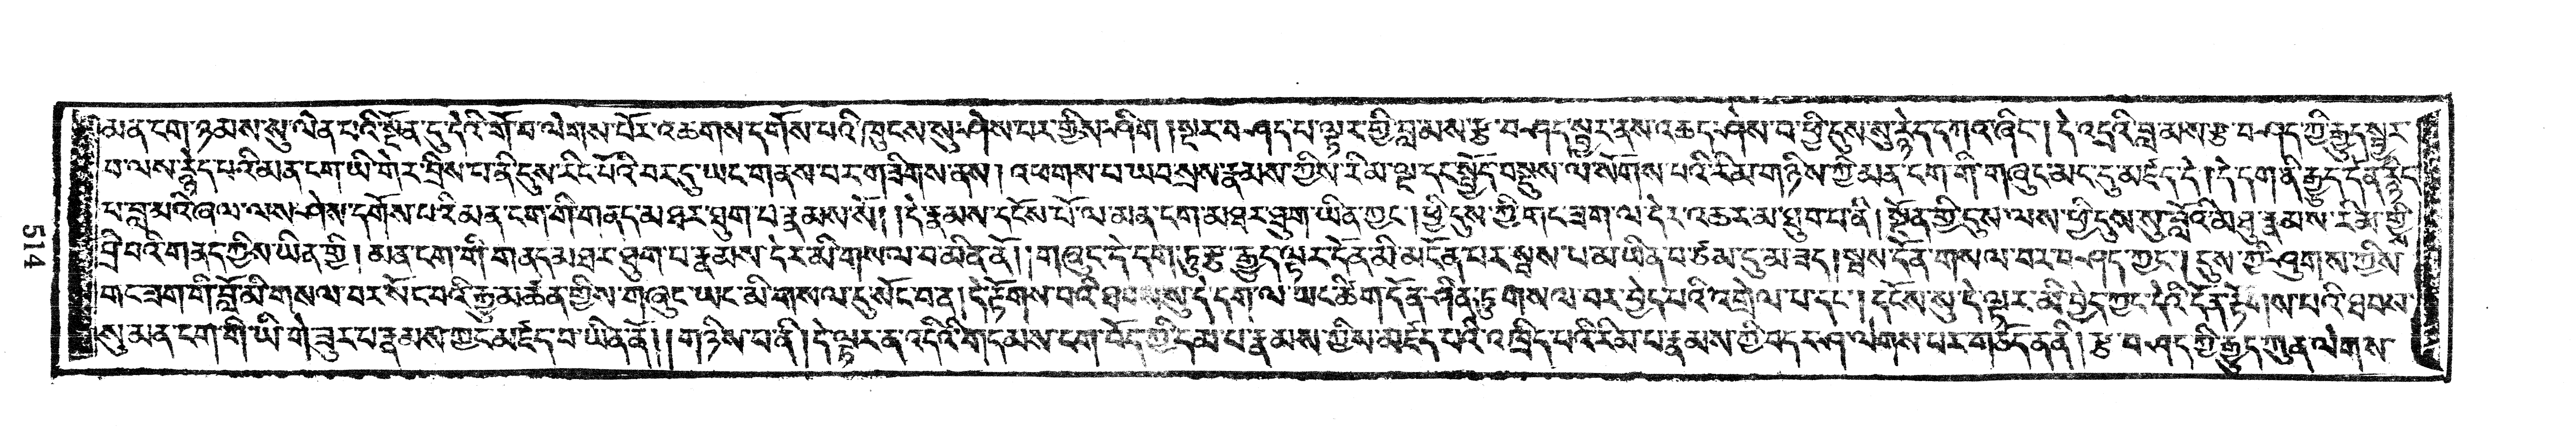མན་ངག་ཉམས་སུ་ལེན་པའི་སྔོན་དུ་དེའི་གོ་བ་ལེགས་པོར་འཆགས་དགོས་པའི་ཁུངས་སུ་ཤེས་པར་གྱིས་ཤིག །སྔར་བཤད་པ་ལྟར་གྱི་བླ་མས་རྩ་བཤད་སྦྱར་ནས་འཆད་ཤེས་པ་ཕྱི་དུས་སུ་རྙེད་དཀའ་ཞིང་། དེ་འདྲའི་བླ་མས་རྩ་བཤད་ཀྱི་རྒྱུད་སྦྱར་
བ་ལས་རྙེད་པའི་མན་ངག་ཡི་གེར་བྲིས་པ་ནི་དུས་རིང་པོའི་བར་དུ་ཡང་གནས་པར་གཟིགས་ནས། འཕགས་པ་ཡབ་སྲས་རྣམས་ཀྱིས་རིམ་ལྔ་དང་སྤྱོད་བསྡུས་ལ་སོགས་པའི་རིམ་གཉིས་ཀྱི་མན་ངག་གི་གཞུང་མང་དུ་མཛད་དེ། དེ་དག་ནི་རྒྱུད་དོན་རྙེད་
པ་བླ་མའི་ཞལ་ལས་ཤེས་དགོས་པའི་མན་ངག་གི་གནད་མཐར་ཐུག་པ་རྣམས་སོ། །དེ་རྣམས་དངོས་པོ་ལ་མན་ངག་མཐར་ཐུག་ཡིན་ཀྱང་། ཕྱི་དུས་ཀྱི་གང་ཟག་ལ་དར་འཆར་མ་ཐུབ་པ་ནི། སྔོན་གྱི་དུས་ལས་ཕྱི་དུས་སུ་བློའི་མཐུ་རྣམས་རིམ་གྱིས་
བྲི་བའི་གནད་ཀྱིས་ཡིན་གྱི། མན་ངག་གི་གནད་མཐར་ཐུག་པ་རྣམས་དེར་མི་གསལ་བ་མིན་ནོ། །གཞུང་དེ་དག་ཏུ་རྩ་རྒྱུད་ལྟར་དོན་མི་མངོན་པར་སྦས་པ་མ་ཡིན་པ་ཙམ་དུ་མ་ཟད། སྦས་དོན་གསལ་བར་བཤད་ཀྱང་། དུས་ཀྱི་ཤུགས་ཀྱིས་
གང་ཟག་གི་བློ་མི་གསལ་བར་སོང་བའི་རྒྱུ་མཚན་གྱིས་གཞུང་ཡང་མི་གསལ་དུ་སོང་བ་ན། དེ་རྟོགས་པའི་ཐབས་སུ་དེ་དག་ལ་ཡང་ཚིག་དོན་ཤིན་ཏུ་གསལ་བར་བྱེད་པའི་འགྲེལ་པ་དང་། དངོས་སུ་དེ་ལྟར་མི་བྱེད་ཀྱང་དེའི་དོན་རྟོགས་པའི་ཐབས་
སུ་མན་ངག་གི་ཡི་གེ་ཟུར་པ་རྣམས་ཀྱང་མཛད་པ་ཡིན་ནོ། །གཉིས་པ་ནི། དེ་ལྟར་ན་འདིའི་གདམས་ངག་བོད་ཀྱི་དམ་པ་རྣམས་ཀྱིས་མཛད་པའི་འཁྲིད་པའི་རིམ་པ་རྣམས་ཀྱི་བདར་ཤ་ལེགས་པར་གཅོད་ན་ནི། རྩ་བཤད་ཀྱི་རྒྱུད་ཀུན་ལེགས་